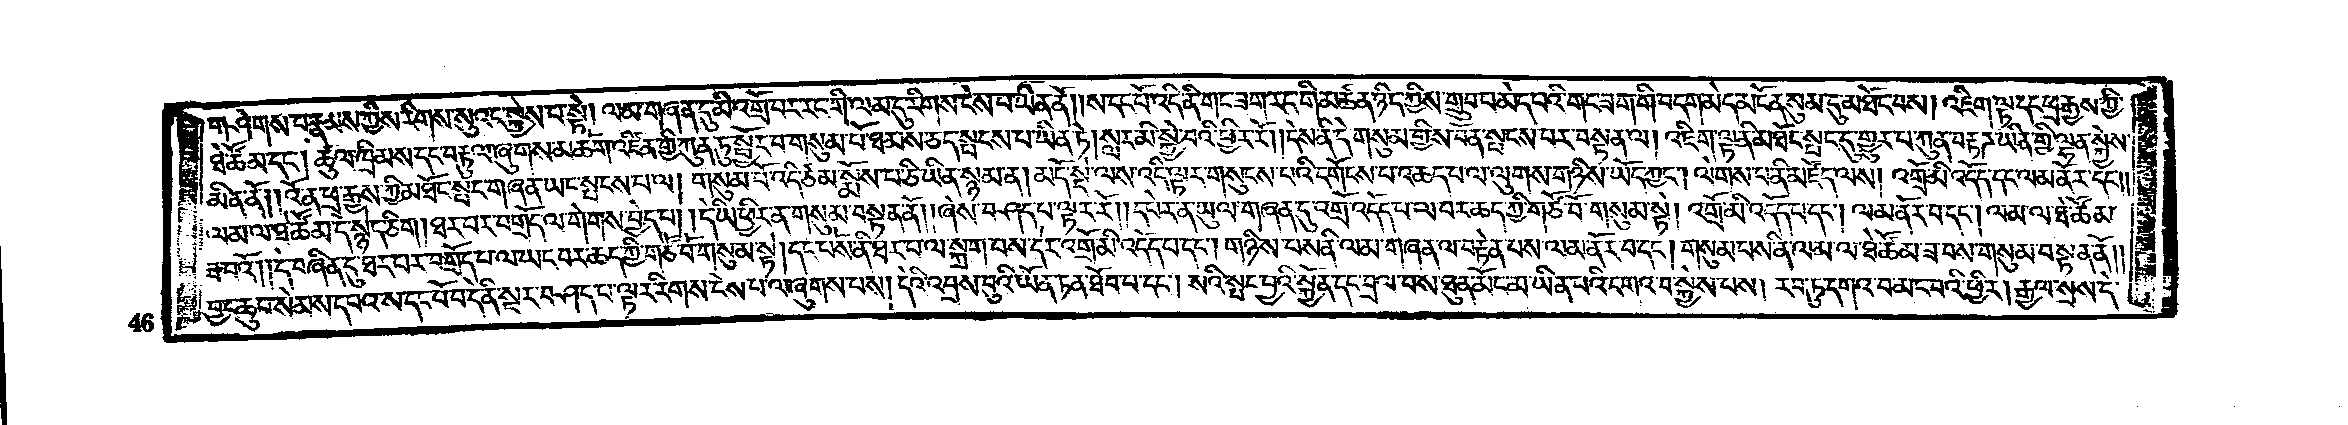གཤེགས་པ་རྣམས་ཀྱིས་རིགས་སུའང་སྐྱེས་པ་སྟེ། ལམ་གཞན་དུ་མི་འགྲོ་བར་རང་གི་ལམ་དུ་རིགས་ངེས་པ་ཡིན་ནོ། །ས་དང་པོ་འདི་ནི་གང་ཟག་རང་གི་མཚན་ཉིད་ཀྱིས་གྲུབ་པ་མེད་པའི་གང་ཟག་གི་བདག་མེད་མངོན་སུམ་དུ་མཐོང་བས། འཇིག་ལྟ་དང་ཕྲ་རྒྱས་ཀྱི་
ཐེ་ཚོམ་དང་། ཚུལ་ཁྲིམས་དང་བརྟུལ་ཞུགས་མཆོག་འཛིན་གྱི་ཀུན་ཏུ་སྦྱོར་བ་གསུམ་པོ་ཐམས་ཅད་སྤངས་པ་ཡིན་ཏེ། སླར་མི་སྐྱེ་བའི་ཕྱིར་རོ། །དེས་ནི་དེ་གསུམ་གྱི་ས་བོན་སྤངས་པར་བསྟན་ལ། འཇིག་ལྟ་ནི་མཐོང་སྤང་དུ་གྱུར་པ་ཀུན་བརྟགས་ཡིན་གྱི་ལྷན་སྐྱེས་
ཡིན་ནོ། །འོ་ན་ཕྲ་རྒྱས་ཀྱི་མཐོང་སྤང་གཞན་ཡང་སྤངས་པ་ལ། གསུམ་པོ་འདི་ཙམ་སྨོས་པ་ཅི་ཡིན་སྙམ་ན། མདོ་སྡེ་ལས་འདི་ལྟར་གསུངས་པའི་དགོངས་པ་འཆད་པ་ལ་ལུགས་གཉིས་ཡོད་ཀྱང་། ལེགས་པ་ནི་མཛོད་ལས། འགྲོ་མི་འདོད་དང་ལམ་ནོར་དང་། །
ལམ་ལ་ཐེ་ཚོམ་དེ་སྙེད་ཅིག །ཐར་པར་བགྲོད་ལ་གེགས་བྱེད་པ། །དེ་ཡི་ཕྱིར་ན་གསུམ་བསྟན་ནོ། །ཞེས་བཤད་པ་ལྟར་རོ། །དཔེར་ན་ཡུལ་གཞན་དུ་འགྲོ་འདོད་པ་ལ་བར་ཆད་ཀྱི་གཙོ་བོ་གསུམ་སྟེ། འགྲོ་མི་འདོད་པ་དང་། ལམ་ནོར་བ་དང་། ལམ་ལ་ཐེ་ཚོམ་
ཟ་པའོ། །དེ་བཞིན་དུ་ཐར་པར་བགྲོད་པ་ལ་ཡང་བར་ཆད་ཀྱི་གཙོ་བོ་གསུམ་སྟེ། དང་པོས་ནི་ཐར་པ་ལ་སྐྲག་བས་དེར་འགྲོ་མི་འདོད་པ་དང་། གཉིས་པས་ནི་ལམ་གཞན་ལ་བརྟེན་པས་ལམ་ནོར་བ་དང་། གསུམ་པས་ནི་ལམ་ལ་ཐེ་ཚོམ་ཟ་བས་གསུམ་བསྟན་ནོ། །
བྱང་ཆུབ་སེམས་དཔའ་ས་དང་པོ་བ་དེ་ནི་སྔར་བཤད་པ་ལྟར་རིགས་ངེས་པ་ལ་ཞུགས་པས། དེའི་འབྲས་བུའི་ཡོན་ཏན་ཐོབ་པ་དང་། སའི་སྤང་བྱའི་སྐྱོན་དང་བྲལ་བས་ཐུན་མོང་མ་ཡིན་པའི་དགའ་བ་སྐྱེས་པས། རབ་ཏུ་དགའ་བ་མང་བའི་ཕྱིར། རྒྱལ་སྲས་དེ་